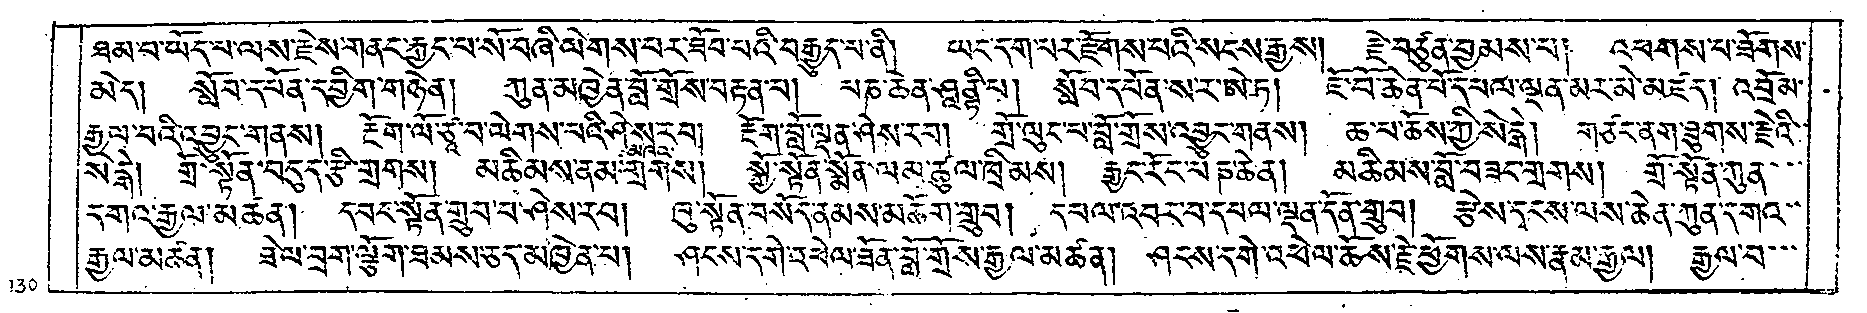ཐམ་པ་ཡོད་པ་ལས་རྗེས་གནང་རྐྱང་པ་སོ་བཞི་ལེགས་པར་ཐོབ་པའི་བརྒྱུད་པ་ནི། ཡང་དག་པར་རྫོགས་པའི་སངས་རྒྱས། རྗེ་བཙུན་བྱམས་པ། འཕགས་པ་ཐོགས་
མེད། སློབ་དཔོན་དབྱིག་གཉེན། ཀུན་མཁྱེན་བློ་གྲོས་བརྟན་པ། པཎ་ཆེན་ཤཱནྟི་པ། སློབ་དཔོན་ས་ར་ཨེ་ཏ། ཇོ་བོ་ཆེན་པོ་དཔལ་ལྡན་མར་མེ་མཛད། འབྲོམ་
རྒྱལ་བའི་འབྱུང་གནས། རྔོག་ལོ་ཙཱ་བ་ལེགས་པའི་ཤེས་རབ། རྔོག་བློ་ལྡན་ཤེས་རབ། གྲོ་ལུང་པ་བློ་གྲོས་འབྱུང་གནས། ཆ་པ་ཆོས་ཀྱི་སེངྒེ། གཙང་ནག་ཐུགས་རྗེའི་
སེངྒེ། གྲོ་སྟོན་བདུད་རྩི་གྲགས། མཆིམས་ནམ་མཁའ་གྲགས། སྐྱོ་སྟོན་སྨོན་ལམ་ཚུལ་ཁྲིམས། རྒྱང་རོང་པཎ་ཆེན། མཆིམས་བློ་བཟང་གྲགས། གྲོ་སྟོན་ཀུན་
དགའ་རྒྱལ་མཚན། དབང་སྟོན་གྲུབ་པ་ཤེས་རབ། ཁུ་སྟོན་བསོད་ནམས་མཆོག་གྲུབ། དཔལ་འབར་བ་དཔལ་ལྡན་དོན་གྲུབ། རྩེས་དྭངས་ལས་ཆེན་ཀུན་དགའ་
རྒྱལ་མཚན། ཐེལ་བྲག་ལྕོག་ཐམས་ཅད་མཁྱེན་པ། ཤངས་དགེ་འཕེལ་ཐོན་བློ་གྲོས་རྒྱལ་མཚན། ཤངས་དགེ་འཕེལ་ཆོས་རྗེ་ཕྱོགས་ལས་རྣམ་རྒྱལ། རྒྱལ་བ་